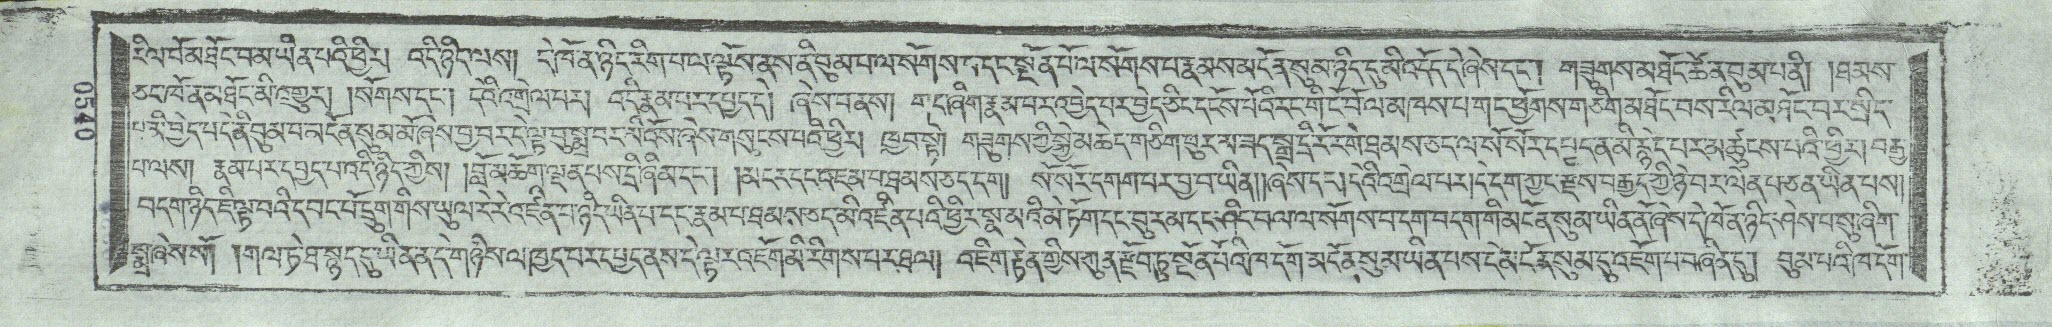རིལ་པོ་མཐོང་བ་མ་ཡིན་པའི་ཕྱིར། འདི་ཉིད་ལས། དེ་ཁོ་ན་ཉིད་རིག་པ་ལ་ལྟོས་ནས་ནི་བུམ་པ་ལ་སོགས་པ་དང་སྔོན་པོ་ལ་སོགས་པ་རྣམས་མངོན་སུམ་ཉིད་དུ་མི་འདོད་དེ་ཞེས་དང་། གཟུགས་མཐོང་ཚེ་ན་བུམ་པ་ནི། །ཐམས་
ཅད་ཁོ་ན་མཐོང་མི་འགྱུར། །སོགས་དང་། དེའི་འགྲེལ་པར། འདི་རྣམ་པར་དཔྱད་དེ། ཞེས་པ་ནས། གང་ཞིག་རྣམ་པར་འབྱེད་པར་བྱེད་ཅིང་དངོས་པོའི་རང་གི་ངོ་བོ་ལ་མཁས་པ་གང་ཕྱོགས་གཅིག་མཐོང་བས་རིལ་མཐོང་བར་སྲིད་
པ་ནི་བྱེད་པ་དེ་ནི་བུམ་པ་མངོན་སུམ་མོ་ཞེས་བྱ་བར་དེ་ལྟ་བུ་སྨྲ་བར་མི་འོས་ཞེས་གསུངས་པའི་ཕྱིར། ཁྱབ་སྟེ། གཟུགས་ཀྱི་སྐྱེ་མཆེད་གཅིག་བུར་མ་ཟད་སྒྲ་དྲི་རོ་རེག་ཐམས་ཅད་ལ་སོ་སོར་དཔྱད་ན་མི་རྙེད་པར་མཚུངས་པའི་ཕྱིར། བརྒྱ་
པ་ལས། རྣམ་པར་དཔྱད་པ་འདི་ཉིད་ཀྱིས། །བློ་མཆོག་ལྡན་པས་དྲི་ཞིམ་དང་། །མངར་དང་འཇམ་པ་ཐམས་ཅད་དག། སོ་སོར་དགག་པར་བྱ་བ་ཡིན། །ཞེས་དང་། དེའི་འགྲེལ་པར། དེ་དག་ཀྱང་རྫས་བརྒྱད་ཀྱི་ཉེ་བར་ལེན་པ་ཅན་ཡིན་པས།
བདག་ཉིད་ཇི་ལྟ་བའི་དབང་པོ་དྲུག་གིས་ཡུལ་རེ་རེ་འཛིན་པ་ཉིད་ཡིན་པ་དང་རྣམ་པ་ཐམས་ཅད་མི་འཛིན་པའི་ཕྱིར་སྣ་མའི་མེ་ཏོག་དང་བུ་རམ་དང་ཤིང་བལ་ལ་སོགས་པ་དག་བདག་གི་མངོན་སུམ་ཡིན་ནོ་ཞེས་དེ་ཁོ་ན་ཉིད་ཤེས་པ་སུ་ཞིག་
སྨྲ་ཞེས་སོ། །གལ་ཏེ་ཐ་སྙད་དུ་ཡིན་ན་དེ་གཉིས་ལ་ཁྱད་པར་དཔྱད་ནས་དེ་ལྟར་འཇོག་མི་རིགས་པར་ཐལ། འཇིག་རྟེན་གྱིས་ཀུན་རྫོབ་ཏུ་སྔོན་པོའི་ཁ་དོག་མངོན་སུམ་ཡིན་པས་དེ་མངོན་སུམ་དུ་འཇོག་པ་བཞིན་དུ། བུམ་པའི་ཁ་དོག་